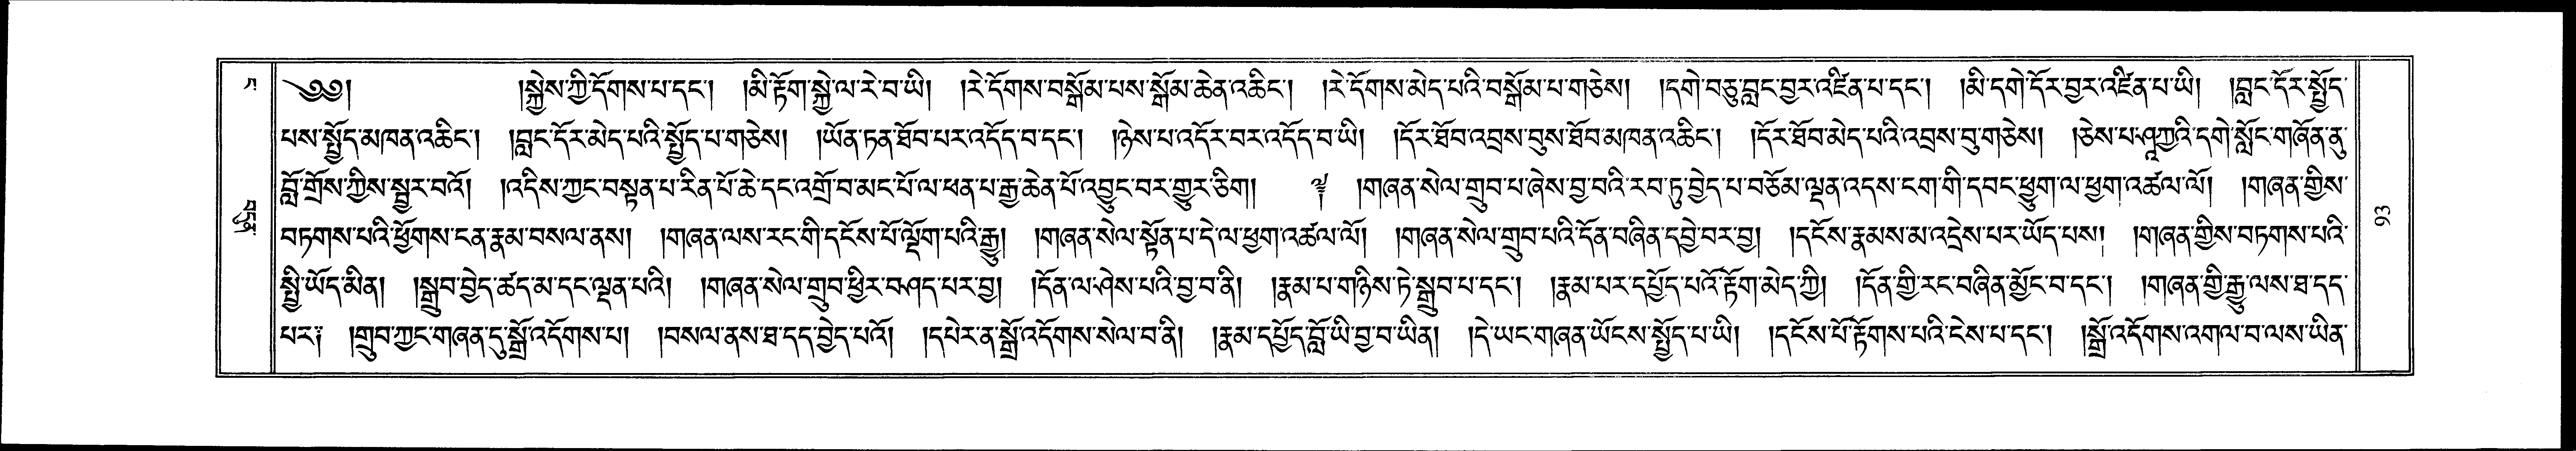༄༅། །སྐྱེས་ཀྱི་དོགས་པ་དང་། །མི་རྟོག་སྐྱེ་ལ་རེ་བ་ཡི། །རེ་དོགས་བསྒོམ་པས་སྒོམ་ཆེན་འཆིང་། །རེ་དོགས་མེད་པའི་བསྒོམ་པ་གཅེས། །དགེ་བཅུ་བླང་བྱར་འཛིན་པ་དང་། །མི་དགེ་དོར་བྱར་འཛིན་པ་ཡི། །བླང་དོར་སྤྱོད་
པས་སྤྱོད་མཁན་འཆིང་། །བླང་དོར་མེད་པའི་སྤྱོད་པ་གཅེས། །ཡོན་ཏན་ཐོབ་པར་འདོད་བ་དང་། །ཉེས་པ་འདོར་བར་འདོད་བ་ཡི། །དོར་ཐོབ་འབྲས་བུས་ཐོབ་མཁན་འཆིང་། །དོར་ཐོབ་མེད་པའི་འབྲས་བུ་གཅེས། །ཅེས་པ་ཤཱཀྱའི་དགེ་སློང་གཞོན་ནུ་
བློ་གྲོས་ཀྱིས་སྦྱར་བའོ། །འདིས་ཀྱང་བསྟན་པ་རིན་པོ་ཆེ་དང་འགྲོ་བ་མང་པོ་ལ་ཕན་པ་རྒྱ་ཆེན་པོ་འབྱུང་བར་གྱུར་ཅིག། ༈ །གཞན་སེལ་གྲུབ་པ་ཞེས་བྱ་བའི་རབ་ཏུ་བྱེད་པ་བཅོམ་ལྡན་འདས་ངག་གི་དབང་ཕྱུག་ལ་ཕྱག་འཚལ་ལོ། །གཞན་གྱིས་
བཏགས་པའི་ཕྱོགས་ངན་རྣམ་བསལ་ནས། །གཞན་ལས་རང་གི་དངོས་པོ་ལྡོག་པའི་རྒྱུ། །གཞན་སེལ་སྟོན་པ་དེ་ལ་ཕྱག་འཚལ་ལོ། །གཞན་སེལ་གྲུབ་པའི་དོན་བཞིན་དབྱེ་བར་བྱ། །དངོས་རྣམས་མ་འདྲེས་པར་ཡོད་པས། །གཞན་གྱིས་བཏགས་པའི་
སྤྱི་ཡོད་མིན། །སྒྲུབ་བྱེད་ཚད་མ་དང་ལྡན་པའི། །གཞན་སེལ་གྲུབ་ཕྱིར་བཤད་པར་བྱ། །དོན་ལ་ཤེས་པའི་བྱ་བ་ནི། །རྣམ་པ་གཉིས་ཏེ་སྒྲུབ་པ་དང་། །རྣམ་པར་དཔྱོད་པའོ་རྟོག་མེད་ཀྱི། །དོན་གྱི་རང་བཞིན་མྱོང་བ་དང་། །གཞན་གྱི་རྒྱུ་ལས་ཐ་དད་
པར། །གྲུབ་ཀྱང་གཞན་དུ་སྒྲོ་འདོགས་པ། །བསལ་ནས་ཐ་དད་བྱེད་པའོ། །དཔེར་ན་སྒྲོ་འདོགས་སེལ་བ་ནི། །རྣམ་དཔྱོད་བློ་ཡི་བྱ་བ་ཡིན། །དེ་ཡང་གཞན་ཡོངས་སྤྱོད་པ་ཡི། །དངོས་པོ་རྟོགས་པའི་ངེས་པ་དང་། །སྒྲོ་འདོགས་འགལ་བ་ལས་ཡིན་